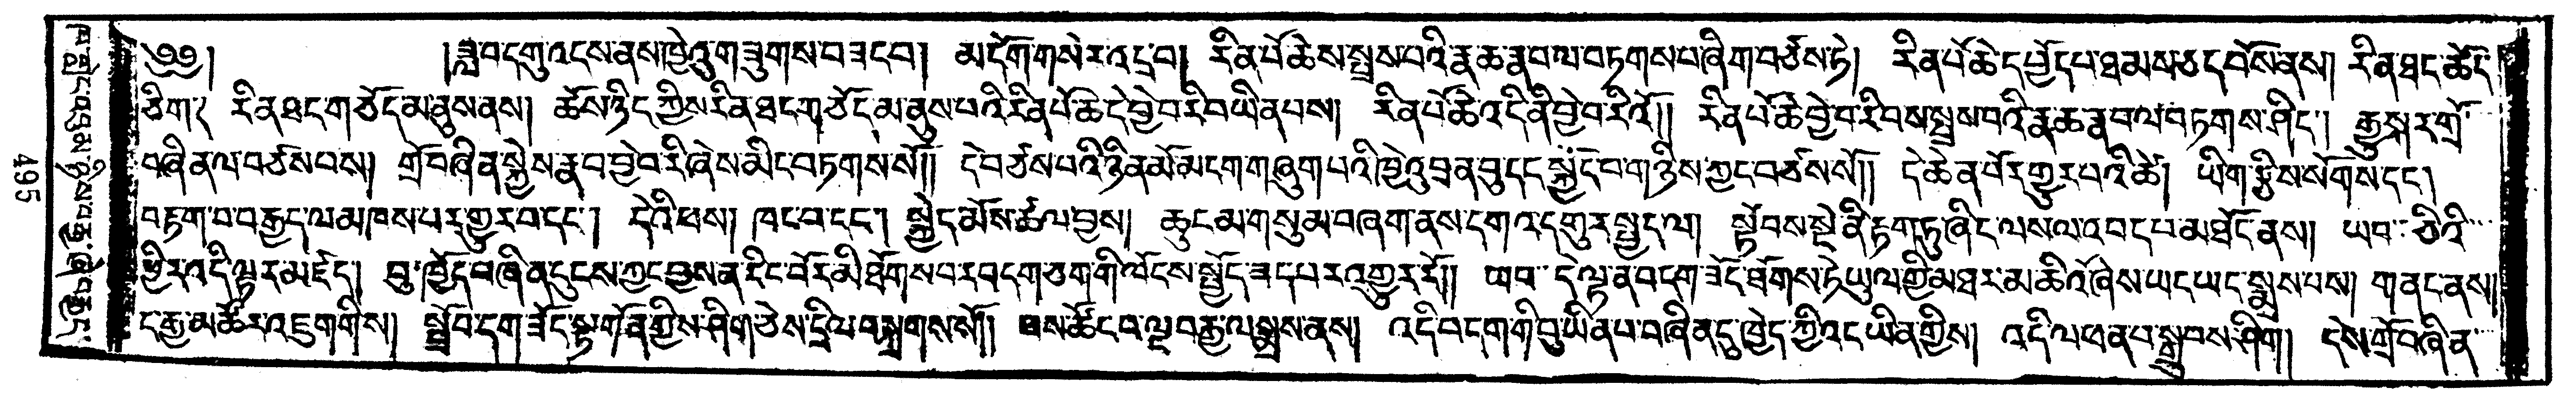༄༅། །ཟླ་བ་དགུ་འདས་ནས་ཁྱེའུ་གཟུགས་བཟང་བ། མདོག་གསེར་འདྲ་བ། རིན་པོ་ཆེས་སྤྲས་པའི་རྣ་ཆ་རྣ་བ་ལ་བཏགས་པ་ཞིག་བཙས་ཏེ། རིན་པོ་ཆེ་དཔྱོད་པ་ཐམས་ཅད་བོས་ནས། རིན་ཐང་ཆོད་
ཅིག། རིན་ཐང་གཅོད་མ་ནུས་ནས། ཆོས་ཉིད་ཀྱིས་རིན་ཐང་གཅོད་མ་ནུས་པའི་རིན་པོ་ཆེ་དེ་བྱེ་བ་རིབ་ཡིན་པས། རིན་པོ་ཆེ་འདི་ནི་བྱེ་བ་རིའོ།། རིན་པོ་ཆེ་བྱེ་བ་རིབས་སྤྲས་བའི་རྣ་ཆ་རྣ་བ་ལ་བཏགས་ཤིང་། རྒྱུ་སྐར་གྲོ་
བཞིན་ལ་བཙས་པས། གྲོ་བཞིན་སྐྱེས་རྣ་བ་བྱེ་བ་རི་ཞེས་མིང་བཏགས་སོ།། དེ་བཙས་པའི་ཉིན་མོ་མངག་གཞུག་པའི་ཁྱེའུ་བྲན་བུ་དང་སྐྱོང་བ་གཉིས་ཀྱང་བཙས་སོ།། དེ་ཆེན་བོར་གྱུར་པའི་ཚེ། ཡིག་རྩིས་སོགས་དང་།
བརྟག་བ་བརྒྱད་ལ་མཁས་པར་གྱུར་བ་དང་། དེའི་ཕས། ཁང་བ་དང་། སྐྱེད་མོས་ཚལ་བྱས། ཆུང་མ་གསུམ་བཞག་ནས་དགའ་དགུར་སྤྱད་ལ། སྟོབས་སྡེ་ནི་རྟག་ཏུ་ཞིང་ལས་ལ་འབད་པ་མཐོང་ནས། ཡབ་ཅིའི་
ཕྱིར་འདི་ལྟར་མཛད། བུ་ཁྱོད་བཞིན་དུངས་ཀྱང་བྱས་ན་རིང་བོར་མི་ཐོགས་བར་བདག་ཅག་གི་ལོངས་སྤྱོད་ཟད་པར་འགྱུར་རོ།། ཡབ་དེ་ལྟ་ན་བདག་ཟོང་ཐོགས་ཏེ་ཡུལ་གྱི་མཐར་མ་ཆིའོ་ཞེས་ཡང་ཡང་སྨྲས་པས། གནང་ནས།
ང་རྒྱ་མཚོར་འཇུག་གིས། སྦྲོ་བ་དག་ཟོང་སྟ་གོན་གྱིས་ཤིག་ཅེས་དྲིལ་བསྐྲགས་སོ།། བས་ཚོང་བ་ལྔ་བརྒྱ་ལ་སྨྲས་ནས། འདི་བདག་གི་བུ་ཡིན་པ་བཞིན་དུ་ཁྱེད་ཀྱི་འང་ཡིན་གྱིས། འདི་ལ་ཕན་པ་སྒྲུབས་ཤིག། དེས་གྲོ་བཞིན་